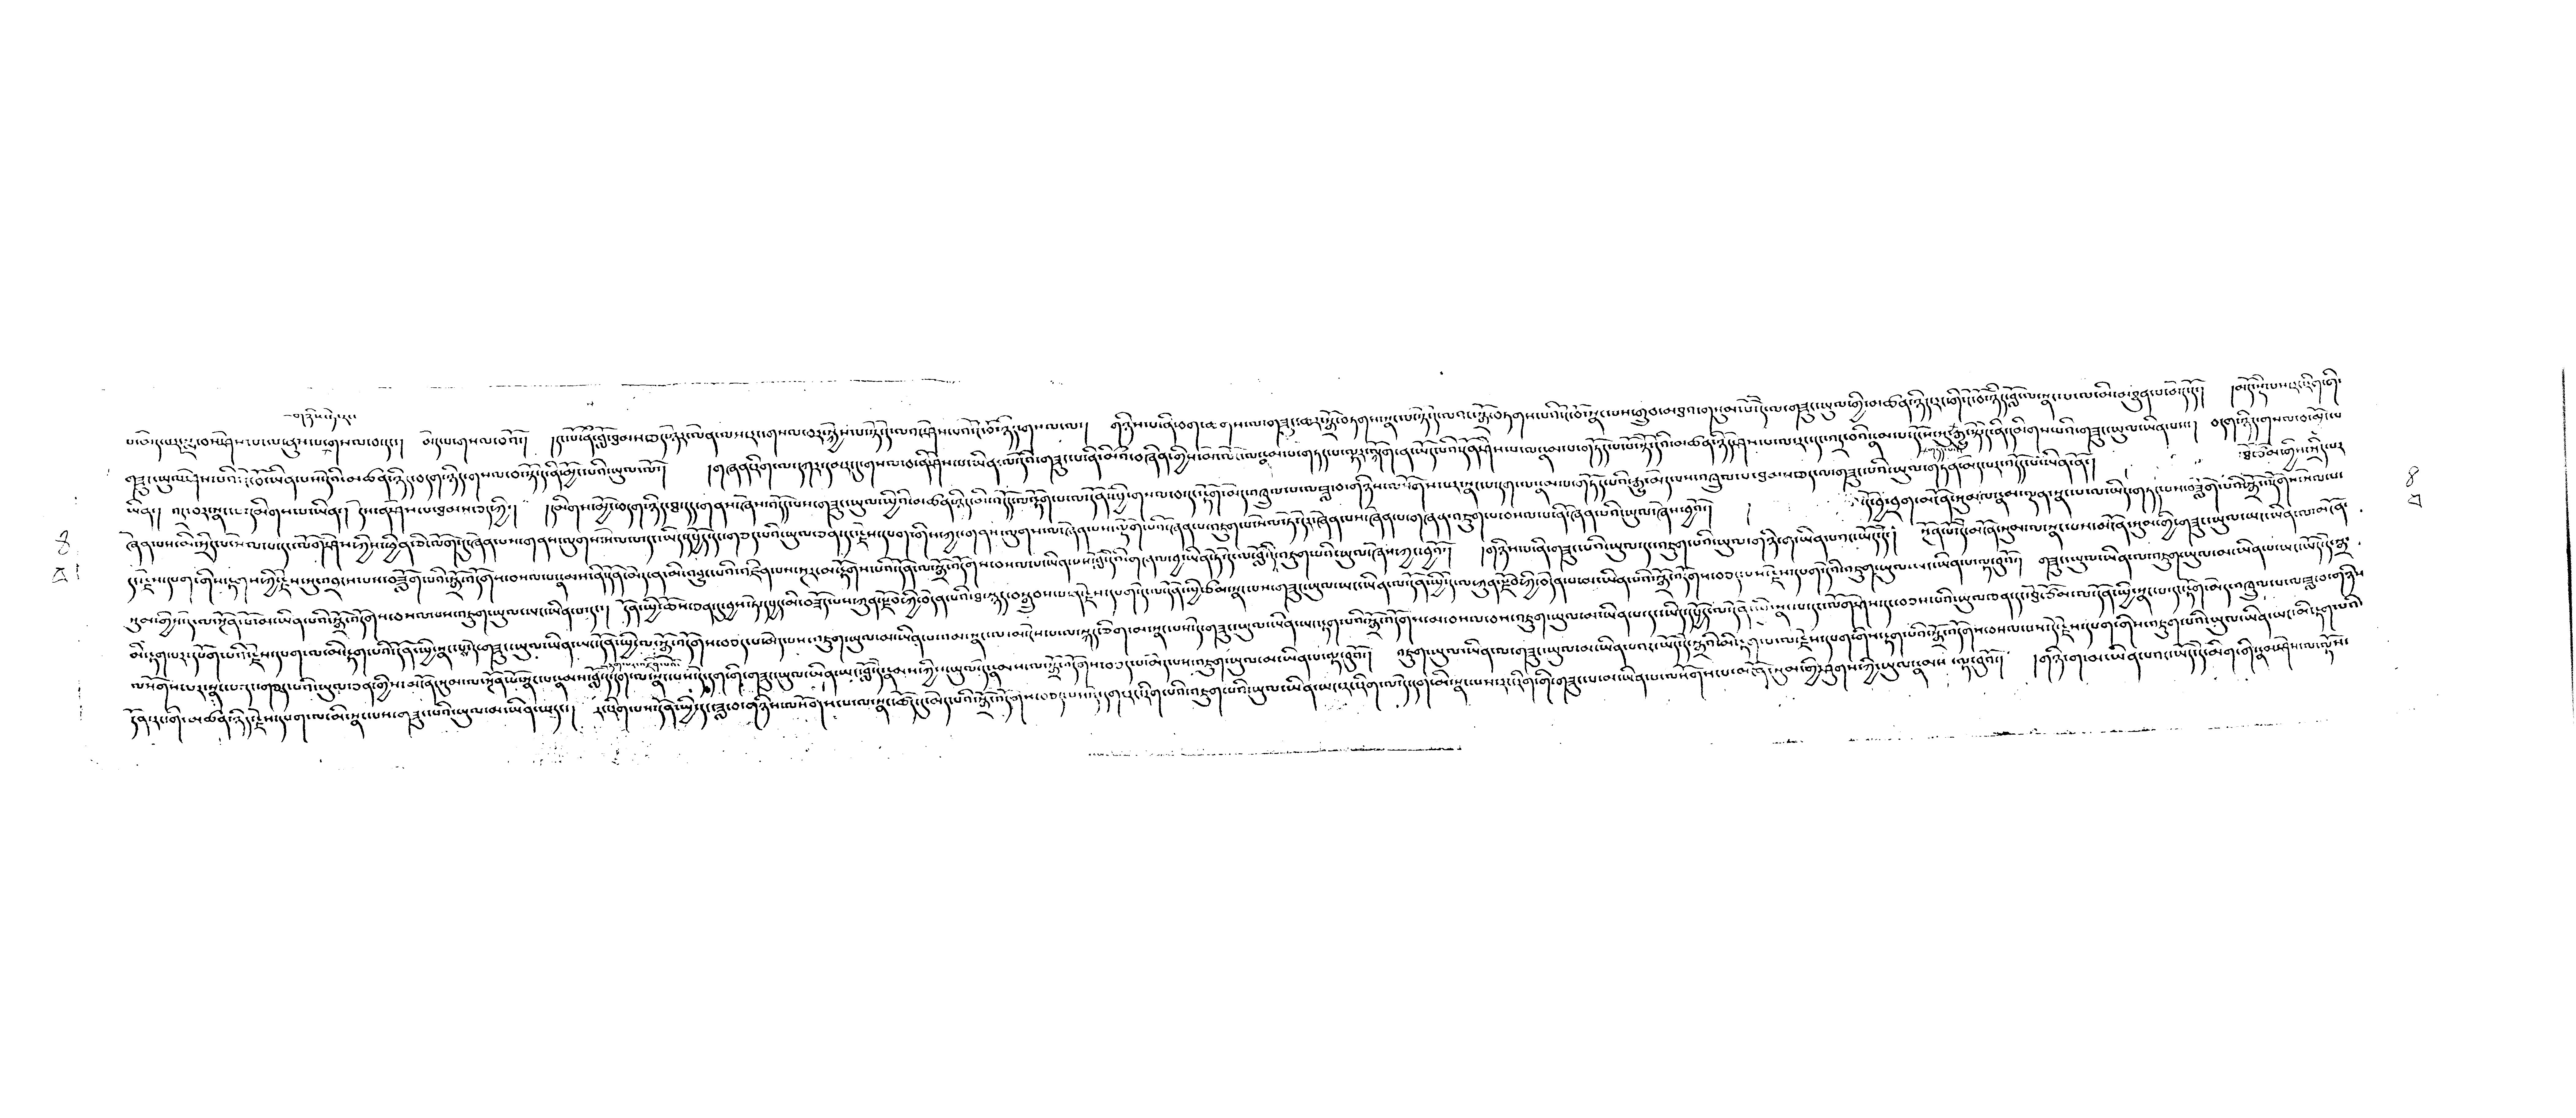པ་མེད་པར་སྨྲ་བས་ཤེས་པ་ལ་ནུས་པ་གཉིས་ཏེ་རང་གསལ་བ་དང་། མེད་པ་གསལ་བའོ། །དང་པོ་ནི་བློ་ཐམས་ཅད་ཉེར་ལེན་ལས་རང་གསལ་བར་སྐྱེས་པ་སྟེ་དེ་ལའང་ཤེས་པའི་ངོ་བོ་ཉིད་གསལ་ལ། གཉིས་པ་ནི་བག་ཆགས་ལ་གཟུང་ཆར་སྒྲོ་བཏགས་སྣང་པ་སྟེ་དེ་ལའང་སྒྲོ་བཏགས་པའི་ངོ་བོ་སྣང་པས་གྲུབ་མཐའ་པས་འཇུག་ཡུལ་མ་ཡིན་པ་འམ་སྣང་ལ་མ་ངེས་པ་ལ་སྐད་ཅིག་གི་
གཟུང་ཡུལ་ཤེས་པའི་ངོ་བོ་ཡིན་པས་དེའི་མཚན་ཉིད་བདག་ཉིད་གསལ་བ་སྟེ་དེ་ནི་མྱོང་པའི་ཡུལ་ལོ། །གཞན་རིག་ལ་དཀར་དམར་དུ་གསལ་བ་ནི་ཤེས་པ་ཡིན་ལ་དེའི་གཟུང་པ་ནི་མིའི་བཞིན་གྱིས་མེ་ལོང་ལ་རྣམ་པ་གཏད་པ་ལྟར་ལྐོག་ན་ཡོད་པའི་དོན་ཤེས་པ་ལ་རྣམ་པ་གཏོད་པ་པོ་སྟེ་དེའི་མཚན་ཉིད་ཤེས་པ་ལ་རང་དང་འདྲ་བའི་རྣམ་པ་དངོས་སུ་གཏོད་པའི་རྒྱུ་སྟེ་དེ་ནི་དམིགས་པའི་གཟུང་ཡུལ་ཡིན་པས། བདག་ཉིད་གསལ་བ་མྱོང་པ་
ཡིན། འདྲ་བར་སྣང་པ་དམིགས་པ་ཡིན། དེས་ན་ཤེས་པ་ཐམས་ཅད་ཀྱི། །དམིགས་མྱོང་བདག་ཉིད་ཐ་དད་གནས་ཞེས་འདོད་པས་གཟུང་ཡུལ་སྤྱིའི་མཚན་ཉིད་མི་འདོད་ལ་རྟོག་པ་ལ་དོན་སྤྱི་གསལ་བ་དང་རྟོག་མེད་འཁྲུལ་པ་ལ་ཟླ་བ་གཉིས་ལ་སོགས་པར་སྣང་པ་དག་ལ་རྣམ་པ་གཏོད་པའི་རྒྱུ་མེད་པས་འཁྲུལ་པ་ཐམས་ཅད་ལ་གཟུང་པའི་དྱུལ་གཏན་མེད་པར་འདོད་པ་ཡིན་ནོ། །ཐེ་ཚོམ་གྱིས་སྲིད་པར་
ཞེན་པས་མི་སྲིད་པ་སེལ་པ་དང་ལོག་ཤེས་ཀྱིས་བྱིན་ཅི་ལོག་དུ་ཞེན་པས་གནས་ལུགས་སེལ་པ་དང་ཡོད་དཔྱོད་དང་གཅད་པའི་ཡུལ་ཅན་དང་རྗེས་དཔག་གིས་ཀྱང་གནས་ལུགས་ལ་ཞེན་པས་ལྡོག་པའི་ཞེན་པ་འཇུག་པ་སེལ་ཏེ་དེར་ཞེན་པས་ཞེན་པ་གཞན་འཇུག་བསལ་པ་ནི་ཞེན་པའི་ཡུལ་ཞེས་བྱའོ། དེ་བྱེ་བྲག་མངོན་སུམ་ལ་རྣམ་ལྡན་སྣང་པ་ལ་ཡིད་གཏད་པས་བཟློག་པའི་སྒྲོ་འདོགས་སེལ་པ་
དང་རྗེས་དཔག་གིས་རྟགས་ཀྱི་རྗེས་སུ་འབྲངས་པས་བཟློག་པའི་སྒྲོ་འདོགས་བསལ་པ་རྣམས་ནི་དོན་མེད་ན་མི་འབྱུང་པའི་འཛིན་པས་སྔར་མ་རྟོགས་པའི་དོན་ལ་སྒྲོ་འདོགས་བསལ་པ་ཡིན་པས་བློ་དེའི་གཞལ་བྱ་ཡིན་ཏེ་དེ་ལ་བློ་དེ་འཇུག་པའི་ཡུལ་ཞེས་ཀྱང་བྱའོ། །གཉིས་པ་ནི་གཟུང་པའི་ཡུལ་དང་འཇུག་པའི་ཡུལ་གཉི་ག་ཡིན་པའང་ཡོད་དེ། སྔོན་པོ་དེ་མངོན་སུམ་ལ་སྣང་པས་མངོན་སུམ་གྱི་གཟུང་ཡུལ་ཡང་ཡིན་ལ་མངོན་
སུམ་གྱིས་དེ་ལ་སྔོན་པོ་མ་ཡིན་པའི་སྒྲོ་འདོགས་བསལ་པས་འཇུག་ཡུལ་ཡང་ཡིན་པ་དང་། དོན་སྤྱི་ཆོས་ཅན་དུ་བྱས་ཏེ་དཔྱད་མི་བཟོད་པས་ཀུན་རྫོབ་ཀྱི་བདེན་པའི་ཐ་སྙད་བསྒྲུབས་པ་ན་རྗེས་དཔག་དེ་ལ་དོན་སྤྱི་ཙམ་སྣང་པས་གཟུང་ཡུལ་ཡང་ཡིན་ལ་དོན་སྤྱི་དེ་ལ་ཀུན་རྫོབ་ཀྱི་བདེན་པ་མ་ཡིན་པའི་སྒྲོ་འདོགས་བཅད་པས་རྗེས་དཔག་དེའི་འཇུག་ཡུལ་ལ་ཡིན་པ་ལྟ་བུའོ། གཟུང་ཡུལ་ཡིན་ལ་འཇུག་ཡུལ་མ་ཡིན་པ་ཡང་ཡོད་དེ་སྒྲ་
མི་རྟག་པར་དཔོག་པའི་རྗེས་དཔག་ལ་མི་རྟག་པའི་དོན་སྤྱི་སྣང་པས་དེ་གཟུང་ཡུལ་ཡིན་ཡང་དོན་སྤྱི་ལ་སྒྲོ་འདོགས་བཅད་པ་མེད་པས་འཇུག་ཡུལ་མ་ཡིན་པ་འམ་སྣང་ལ་མ་ངེས་པ་ལ་སྐད་ཅིག་མ་སྣང་པས་དེ་གཟུང་ཡུལ་ཡིན་ཡང་རྟག་པའི་སྒྲོ་འདོགས་མ་བསལ་བས་འཇུག་ཡུལ་མ་ཡིན་པ་དང་ཡིད་དཔྱོད་ལ་དོན་སྤྱི་སྣང་པ་དང་ལོག་ཤེས་དང་བཅས་པའི་ཡུལ་ཅན་དང་ཐེ་ཚོམ་ལ་དོན་སྤྱི་སྣང་པ་དང་རྟོག་མེད་འཁྲུལ་པ་ལ་ཟླ་བ་གཉིས་
ལ་སོགས་པར་སྣང་པ་དང་གཅད་པའི་ཡུལ་ཅན་གྱིས་མངོན་སུམ་ལ་སྔོན་པོ་སྣང་པ་རྣམས་བློ་དེ་དག་ལ་སྣང་པས་དེ་དག་གི་གཟུང་ཡུལ་ཡིན་ཡང་བློ་དེ་རྣམས་ཀྱིས་ཡུལ་དེ་རྣམས་ལ་སྒྲོ་འདོགས་བཅད་པ་མེད་པས་འཇུག་ཡུལ་མ་ཡིན་པ་ལྟ་བུའོ། འཇུག་ཡུལ་ཡིན་ལ་གཟུང་ཡུལ་མ་ཡིན་པའང་ཡོད་དེ་སྒྲའི་མིང་རྟག་པ་ལ་རྗེས་དཔག་གིས་རྟག་པའི་སྒྲོ་འདོགས་བསལ་པས་དེ་རྗེས་དཔག་གིས་འཇུག་པའི་ཡུལ་ཡིན་ཡང་མི་རྟག་པའི་
དོན་རང་གི་མཚན་ཉིད་རྗེས་དཔག་ལ་མི་སྣང་པས་གཟུང་པའི་ཡུལ་མ་ཡིན་པ་དང་། རང་རིག་པས་དོན་སྤྱི་དང་ཟླ་བ་གཉིས་ལ་སོགས་པ་ལ་སྣང་ཚོད་དུ་མེད་པའི་སྒྲོ་འདོགས་བཅད་པས་དེ་དག་རང་རིག་པའི་འཇུག་པའི་ཡུལ་ཡིན་ཡང་རང་རིག་ལ་དེ་དག་མི་སྣང་པས་རང་རིག་གི་གཟུང་པ་མ་ཡིན་པ་ལ་སོགས་པ་མངོན་སུམ་གྱི་ཤུགས་ཀྱི་ཡུལ་རྣམས་ལྟ་བུའོ། །གཉི་ག་མ་ཡིན་པའང་ཡོད་དེ་མིག་གི་རྣམ་ཤེས་ལ་ལྟོས་